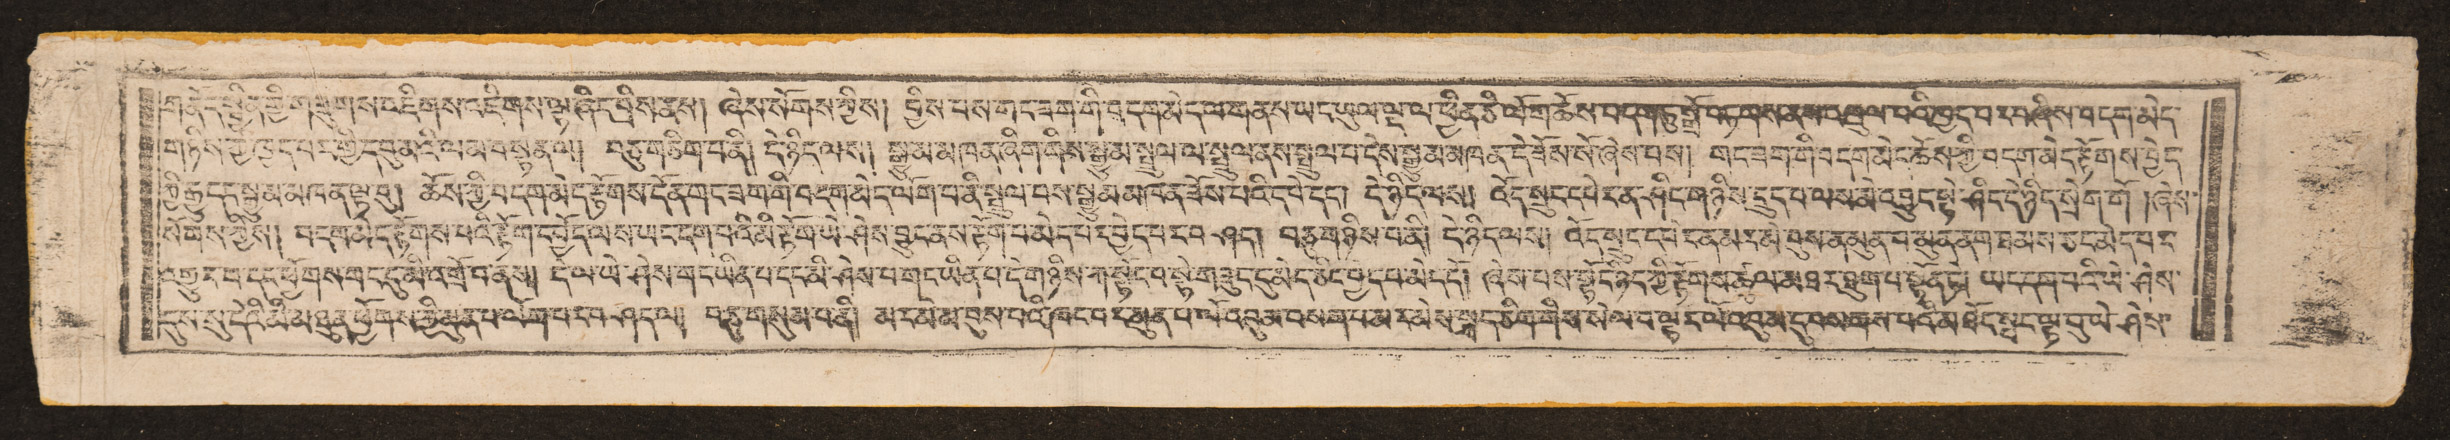གནོད་སྦྱིན་གྱི་གཟུགས་འཇིགས་འཇིགས་ལྟ་ཞིང་བྲིས་ནས། ཞེས་སོགས་ཀྱིས། བྱིས་པས་གང་ཟག་གི་བདག་མེད་ལ་གནས་ཡང་ཡུལ་ལྔ་ལ་ཕྱིན་ཅི་ལོག་ཆོས་བདག་ཏུ་སྒྲོ་བཏགས་ནས་འཁྲུལ་པའི་ཁྱད་པར་བཞིས་བདག་མེད་
གཉིས་ཀྱི་ཁྱད་པར་གྱི་དབུ་མའི་ལམ་བསྟན་ལ། བཅུ་གཅིག་པ་ནི། དེ་ཉིད་ལས། སྒྱུ་མ་མཁན་ཞིག་གིས་སྒྱུ་མ་སྤྲུལ་ལ་སྤྲུལ་ནས་སྤྲུལ་པ་དེས་སྒྱུ་མ་མཁན་དེ་བོས་སོ་ཞེས་པས། གང་ཟག་གི་བདག་མེད་ཆོས་ཀྱི་བདག་མེད་རྟོགས་བྱེད་
ཀྱི་རྒྱུ་དང་སྒྱུ་མ་མཁན་ལྟ་བུ། ཆོས་ཀྱི་བདག་མེད་རྟོགས་དོན་གང་ཟག་གི་བདག་མེད་ལོག་པ་ནི་སྤྲུལ་བས་སྒྱུ་མ་མཁན་ཟོས་པའི་དཔེ་དང་། དེ་ཉིད་ལས། འོད་སྲུང་དཔེར་ན་ཤིར་གཉིས་དྲུད་པ་ལས་མེ་འབྱུང་སྟེ་ཤིང་དེ་ཉིད་སྲེག་གོ །ཞེས་
སོགས་ཀྱིས། བདག་མེད་རྟོགས་པའི་རྟོག་དཔྱོད་ལས་ཡང་དག་པའི་མི་རྟོག་ཡེ་ཤེས་བྱུང་ནས་རྟོག་པ་མེད་པར་བྱེད་པར་བཤད། བཅུ་གཉིས་པ་ནི། དེ་ཉིད་ལས། འོད་སྲུང་དཔེར་ན་མར་མེ་བུས་ན་མུན་པ་མུན་ནག་ཐམས་ཅད་མེད་པར་
འགྱུར་བ་དང་ཕྱོགས་གང་དུ་མི་འགྲོ་བ་ནས། དེ་ལ་ཡེ་ཤེས་གང་ཡིན་པ་དང་མི་ཤེས་པ་གང་ཡིན་པ་དེ་གཉིས་ཀ་སྟོང་པ་སྟེ་གཟུང་དུ་མེད་ཅིང་བྱེད་པ་མེད་དོ། ཞེས་པས་སྟོང་ཉིད་ཀྱི་རྟོགས་ཚུལ་མཐར་ཐུག་པ་སྟོན་ཏེ། ཡང་དག་པའི་ཡེ་ཤེས་
དུས་སུ་དེའི་མི་མཐུན་ཕྱོགས་ཀྱི་མུན་པ་ལོག་པར་བཤད་ལ། བཅུ་གསུམ་པ་ནི། མར་མེམ་བུས་པའི་ཁང་བར་མུན་པ་ལོ་འབུམ་བསག་བ་མར་མེས་སྐད་ཅིག་གིས་སེལ་བ་ལྟར་ལོ་འབུམ་དུ་བསགས་པའི་མཐོང་སྤང་ལྟ་བུ་ཡེ་ཤེས་